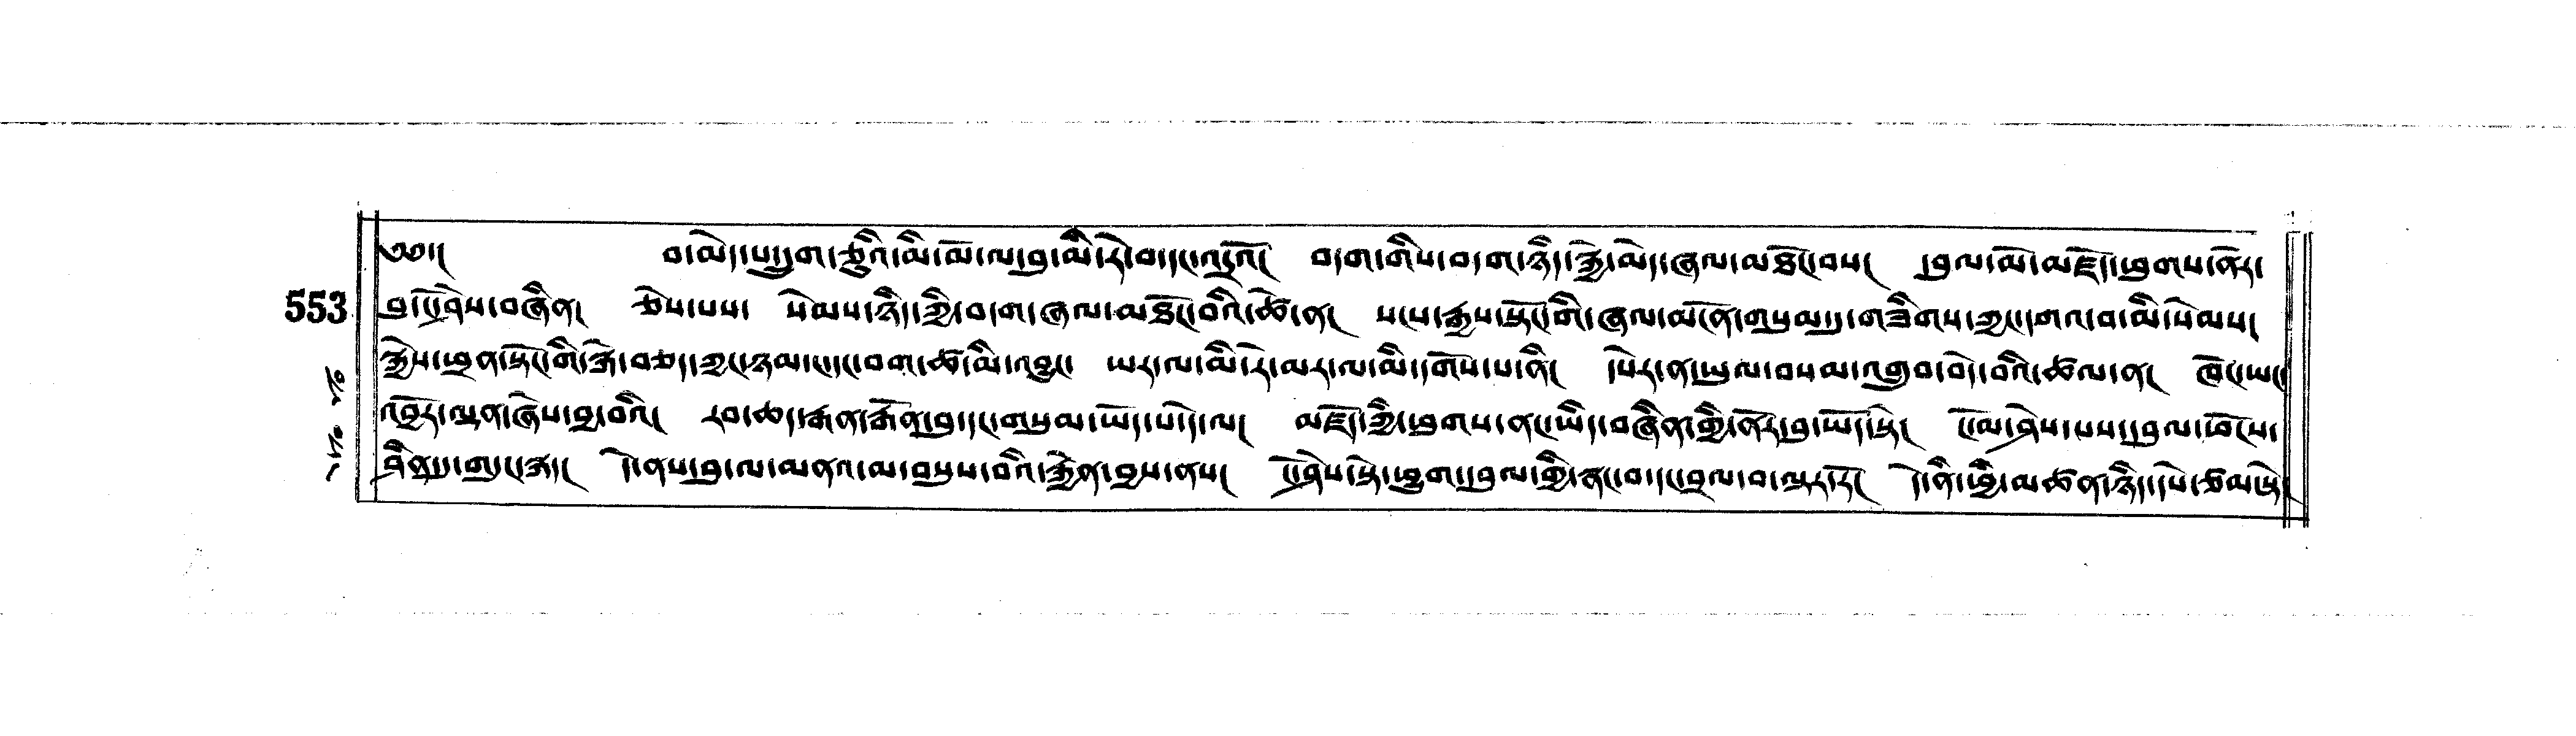བ་མེད་པ་དྲུག་ཅུའི་མི་མོ་ལ་བུ་མི་རེ་བ་དང་འདྲའོ། བདག་གིས་བདག་ཉིད་སྐྱེ་མེད་ཞལ་མཐོང་བས། དབུལ་མོ་མཛོད་ཕུག་ནོར་
བུ་ངོ་ཤེས་བཞིན། ཅེས་པས། སེམས་ཉིད་ཀྱི་བདག་ཞལ་མཐོང་བའི་ཚེ་ན། སངས་རྒྱས་སྟོང་གི་ཞལ་མངོན་སུམ་དུ་གཟིགས་ཀྱང་དགའ་བ་མི་སེམས། 
སྐྱེས་ཕྲན་སྟོང་གི་སྐེ་བཅད་ཀྱང་ཉམ་ང་དང་བག་ཚ་མི་འབྱུང་། ཡར་ལ་མི་རེ་མར་ལ་མི་དྭོགས་པ་ནི། དཔེར་ན་ཡུལ་བསམ་འགྲུབ་བདེ་བའི་ཚལ་ན། ཁོངས་ཡང་
འབྱོར་ལྡན་ཞེས་བྱ་བའི། རབ་ཆད་རྒན་རྒོན་བུ་དང་གསུམ་ཡོད་པ་དེ་ལ། མཛོད་ཀྱི་ཕུག་ནང་ཡིད་བཞིན་གྱི་ནོར་བུ་ཡོད་དེ། ངོ་མ་ཤེས་པས་དབུལ་ཕོངས་
ཤིན་ཏུ་གདུང་སྐད། དེ་ནས་བུ་ལ་མནའ་མ་བསུས་པས་རྐྱེན་བྱས་ནས། ངོ་ཤེས་སྟེ་ཕྱུག་དབུལ་གྱི་སྣང་བ་དང་བྲལ་བ་ལྟར་རོ། དེ་ནི་ཕྱི་མཚན་ཉིད་དཔེ་ཙམ་སྟེ་